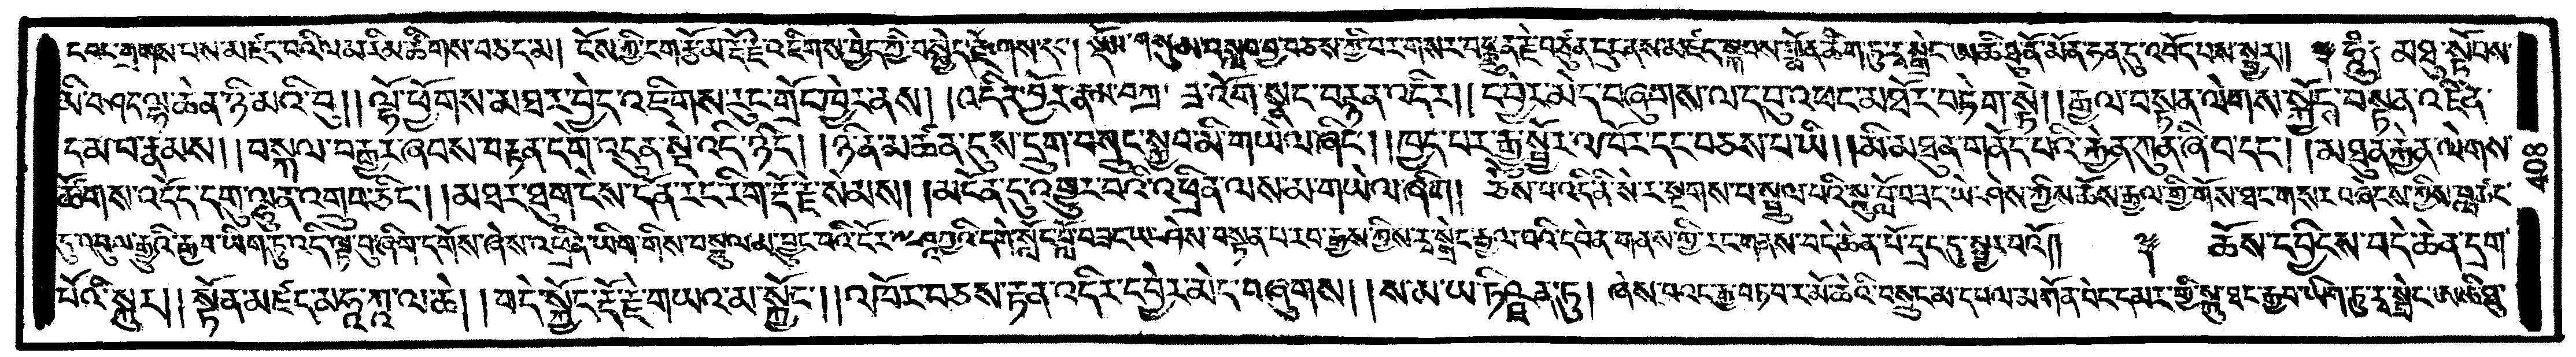དབང་གྲགས་པས་མཛད་པའི་ལམ་རིམ་ཚིགས་བཅད་མ། ངོས་ཀྱི་ངག་རྩོམ་རྡོ་རྗེ་འཇིགས་བྱེད་ཀྱི་བསྐྱེད་རྫོགས་དང་། སྡོམ་གསུམ་བསླབ་བྱ་བཅས་ཀྱི་བར་གསར་བསྒྲུན་རྗེ་བཙུན་དུང་ནས་མཛད་སྐབས་སྨོན་ཚིག་ཏུ་རྭ་སྒྲེང་ཨ་ཆི་ཐུ་ནོ་མོན་ཧན་དུ་འབོད་པས་སྦྱར།། ༈ ཧཱུཾ། མཐུ་སྟོབས་
མི་བཤད་ལྷ་ཆེན་ཉི་མའི་བུ། །ལྷོ་ཕྱོགས་མཐར་བྱེད་འཇིགས་རུང་གྲོང་ཁྱེར་ནས། །འདིར་བྱོར་རྣམ་བཀྲ་ཟ་འོག་སྣང་བརྙན་འདིར། །དབྱེར་མེད་བཞུགས་ལ་དབུ་འཕང་མཐོར་བཏེག་སྟེ། །རྒྱལ་བསྟན་ལེགས་སྐྱོངས་བསྟན་འཛིན་
དམ་པ་རྣམས། །བསྐལ་བརྒྱར་ཞབས་བརྟན་དགེ་འདུན་སྡེ་འདི་ཉིད། །ཉིན་མཚན་དུས་དྲུག་བསྲུང་སྐྱབ་མི་གཡེལ་ཞིང་། །ཁྱད་པར་རྒྱུ་སྦྱོར་འཁོར་དང་བཅས་པ་ཡི། །མི་མཐུན་གནོད་པའི་རྐྱེན་ཀུན་ཞི་བ་དང་། །མཐུན་རྐྱེན་ལེགས་
ཚོགས་འདོད་དགུ་ལྷུན་འགྲུབ་ཅིང་། །མཐར་ཐུག་ངེས་དོན་རྣག་རིག་རྡོ་རྗེ་སེམས། མངོན་དུ་འགྱུར་བའི་འཕྲིན་ལས་མ་གཡེལ་ཞིག །ཅེས་པ་འདི་ནི་སེ་ར་སྔགས་ཨ་སྤྲུལ་བའི་སྐུ་བློ་བཟང་ཡེ་ཤེས་ཀྱིས་ཆོས་རྒྱལ་གྱི་གོས་ཐང་གསར་བཞེངས་ཀྱིས་བླ་ཚང་
དུ་འབུལ་རྒྱུའི་རྒྱབ་ཡིག་ཏུ་འདི་ལྟ་བུ་ཞིག་དགོས་ཞེས་འཕྲིན་ཡིག་གིས་བསྐུལ་མ་བྱུང་བའི་ངོར ༧་ཤཱཀྱའི་དགེ་སློང་བློ་བཟང་ཡེ་ཤེས་བསྟན་པ་རབ་རྒྱས་ཀྱིས་རྭ་སྒྲེང་རྒྱལ་བའི་དབེན་གནས་ཀྱི་རང་གནས་བདེ་ཆེན་པོ་དྲང་དུ་སྦྱར་བའོ།། ༈ ཆོས་དབྱིངས་བདེ་ཆེན་དྲག་
པོའི་སྐུར། །སྟོན་མཛད་མཧཱ་ཀཱ་ལ་ཆེ། །བདེ་སྐྱོང་རྡོ་རྗེ་གཡའ་མ་སྐྱོང་། །འཁོར་བཅས་རྟན་འདིར་དབྱེར་མེད་བཞུགས། །ས་མ་ཡ་ཏིཥཊཿཨན་ཏུ། ཞེས་པའང་རྒྱ་བཏབ་ར་མོ་ཆེའི་བསྲུང་མ་དཔལ་མགོན་བེང་དམར་གྱི་སྐུ་ཐང་རྒྱབ་ཡིག་ཏུ་རྭ་སྒྲེང་ཨ་ཆི་ཐུ་